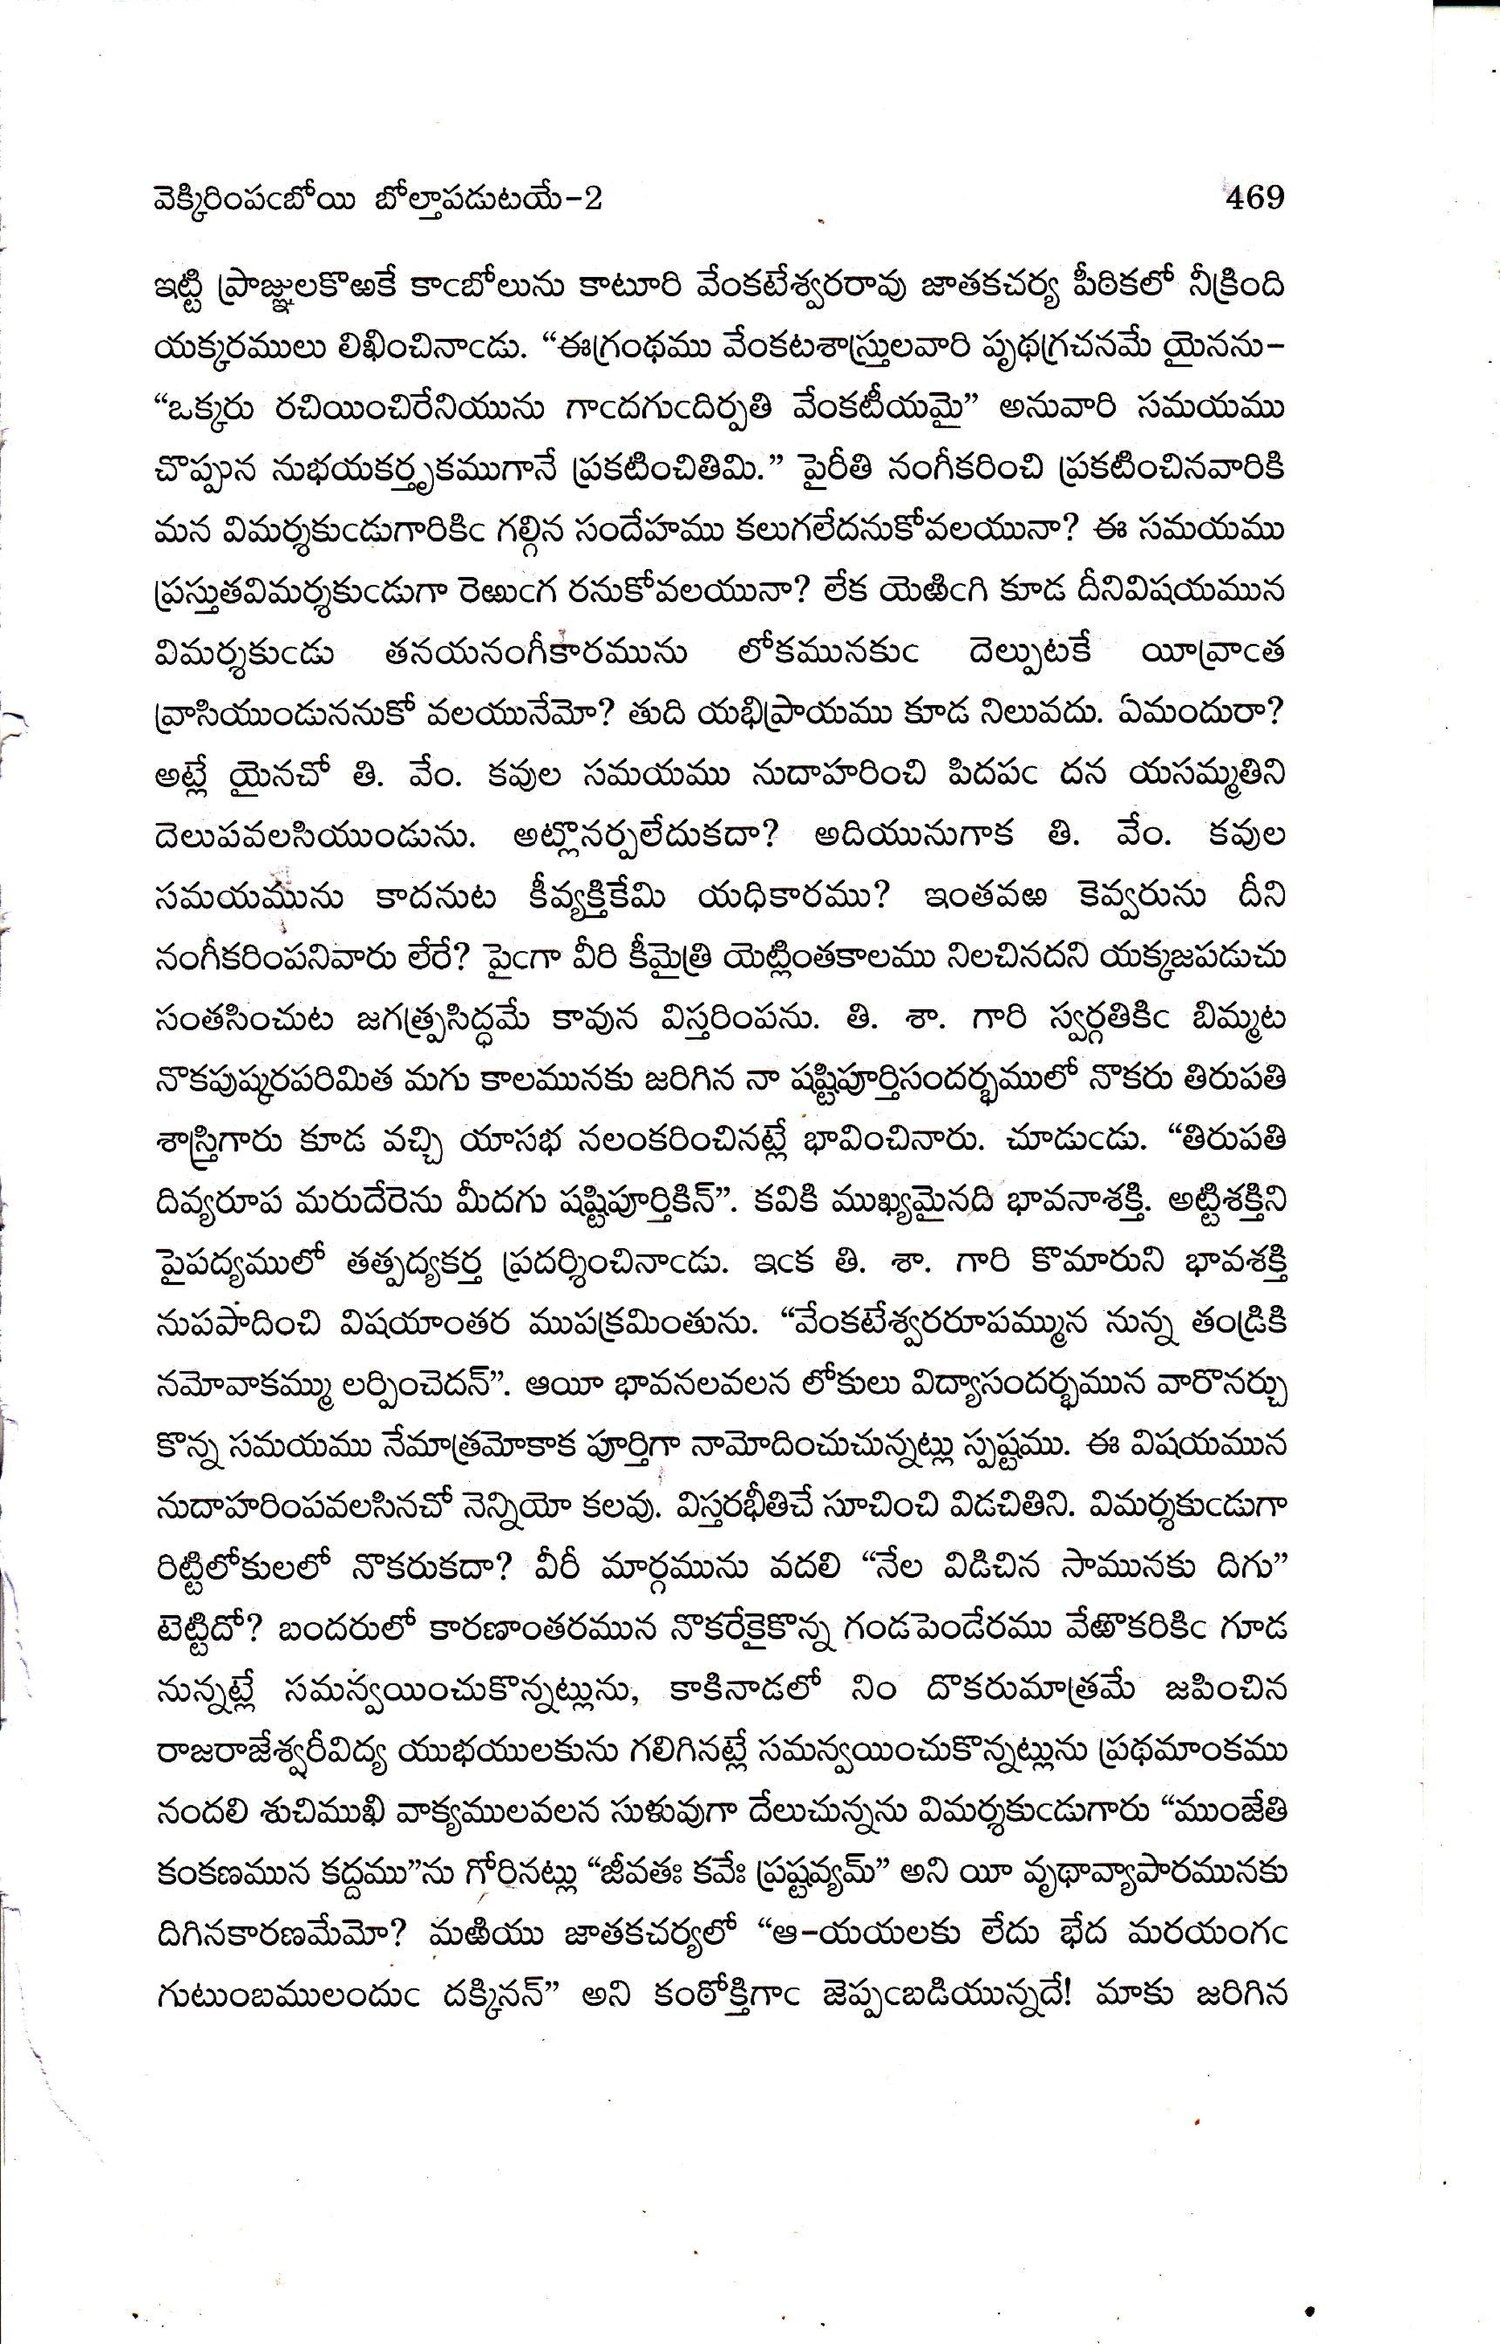ఇట్టి ప్రాజ్ఞులకొఱకే కాఁబోలును కాటూరి వేంకటేశ్వరరావు జాతకచర్య పీఠికలో నీక్రింది యక్కరములు లిఖించినాఁడు. “ఈగ్రంథము వేంకటశాస్త్రులవారి పృథగ్రచనమే యైనను - “ఒక్కరు రచియించిరేనియును గాఁదగుఁదిర్పతి వేంకటీయమై" అనువారి సమయము చొప్పున నుభయకర్తృకముగానే ప్రకటించితిమి.” పైరీతి నంగీకరించి ప్రకటించినవారికి మన విమర్శకుఁడుగారికిఁ గల్గిన సందేహము కలుగలేదనుకోవలయునా? ఈ సమయము ప్రస్తుతవిమర్శకుఁడుగా రెఱుఁగ రనుకోవలయునా? లేక యెఱిఁగి కూడ దీనివిషయమున విమర్శకుఁడు తనయనంగీకారమును లోకమునకుఁ దెల్పుటకే యీవ్రాఁత వ్రాసియుండుననుకో వలయునేమో? తుది యభిప్రాయము కూడ నిలువదు. ఏమందురా? అట్లే యైనచో తి. వేం. కవుల సమయము నుదాహరించి పిదపఁ దన యసమ్మతిని దెలుపవలసియుండును. అట్లొనర్పలేదుకదా? అదియునుగాక తి. వేం. కవుల సమయమును కాదనుట కీవ్యక్తికేమి యధికారము? ఇంతవఱ కెవ్వరును దీని నంగీకరింపనివారు లేరే? పైఁగా వీరి కీమైత్రి యెట్లింతకాలము నిలచినదని యక్కజపడుచు సంతసించుట జగత్ర్పసిద్ధమే కావున విస్తరింపను. తి. శా. గారి స్వర్గతికిఁ బిమ్మట నొకపుష్కరపరిమిత మగు కాలమునకు జరిగిన నా షష్టిపూర్తిసందర్భములో నొకరు తిరుపతి శాస్త్రిగారు కూడ వచ్చి యాసభ నలంకరించినట్లే భావించినారు. చూడుఁడు. "తిరుపతి దివ్యరూప మరుదేరెను మీదగు షష్టిపూర్తికిన్", కవికి ముఖ్యమైనది భావనాశక్తి అట్టిశక్తిని పైపద్యములో తత్పద్యకర్త ప్రదర్శించినాఁడు. ఇఁక తి. శా. గారి కొమారుని భావశక్తి నుపపాదించి విషయాంతర ముపక్రమింతును. ‘వేంకటేశ్వరరూపమ్మున నున్న తండ్రికి నమోవాకమ్ము లర్పించెదన్". ఆయీ భావనలవలన లోకులు విద్యాసందర్భమున వారొనర్చు కొన్న సమయము నేమాత్రమోకాక పూర్తిగా నామోదించుచున్నట్లు స్పష్టము. ఈ విషయమున నుదాహరింపవలసినచో నెన్నియో కలవు. విస్తరభీతిచే సూచించి విడచితిని. విమర్శకుఁడుగా రిట్టిలోకులలో నొకరుకదా? వీరీ మార్గమును వదలి "నేల విడిచిన సామునకు దిగు" టెట్టిదో? బందరులో కారణాంతరమున నొకరేకైకొన్న గండపెండేరము వేఱొకరికిఁ గూడ నున్నట్లే సమన్వయించుకొన్నట్లును, కాకినాడలో నిం దొకరుమాత్రమే జపించిన రాజరాజేశ్వరీవిద్య యుభయులకును గలిగినట్లే సమన్వయించుకొన్నట్లును ప్రథమాంకము నందలి శుచిముఖి వాక్యములవలన సుళువుగా దేలుచున్నను విమర్శకుఁడుగారు “ముంజేతి కంకణమున కద్దము"ను గోరినట్లు "జీవతః కవేః ప్రష్టవ్యమ్" అని యీ వృథావ్యాపారమునకు దిగినకారణమేమో? మఱియు జాతకచర్యలో “ఆ – యయలకు లేదు భేద మరయంగc గుటుంబములందుఁ దక్కినన్" అని కంఠోక్తిగాఁ జెప్పఁబడియున్నదే! మాకు జరిగిన